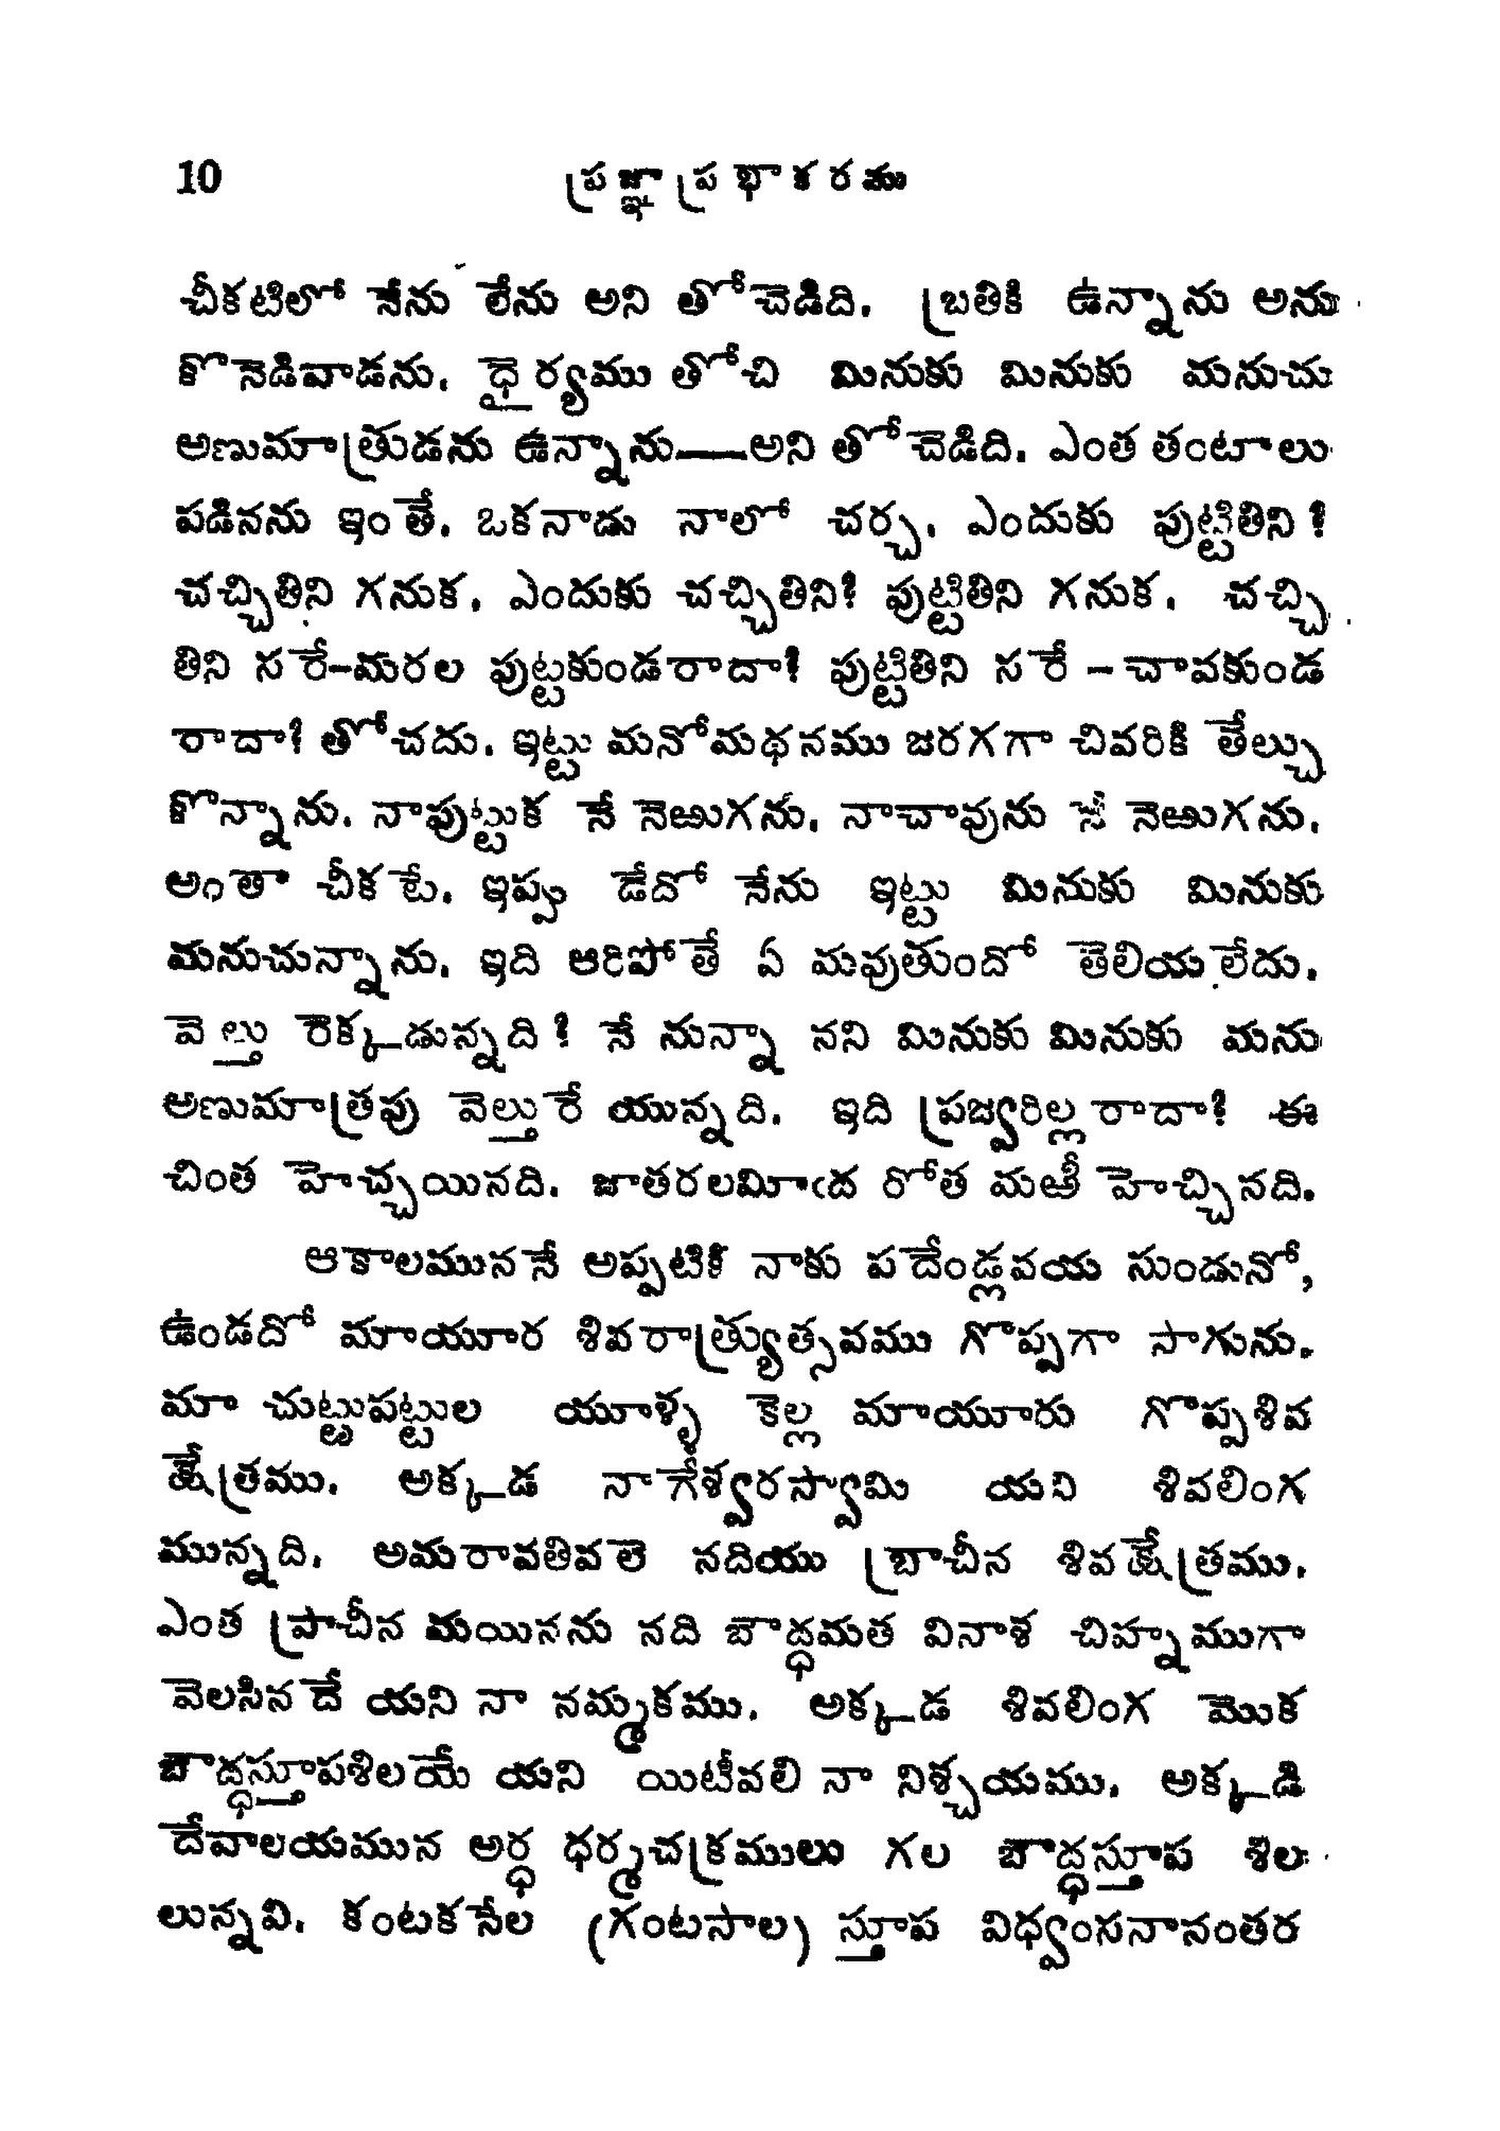చీకటిలో నేను లేను అని తోచెడిది. బ్రతికి ఉన్నాను అను కొనెడివాడను. ధైర్యము తోచి మినుకు మినుకు మనుచు అణుమాత్రుడను ఉన్నాను- అని తోచెడిది. ఎంత తంటాలు పడినను ఇంతే. ఒకనాడు నాలో చర్చ. ఎందుకు పుట్టితిని? చచ్చితిని గనుక ఎందుకు చచ్చితిని? పుట్టితిని గనుక చచ్చితిని సరే- మరల పుట్టుకుండరాదా? పుట్టితిని సరే-చావా కుండ రాదా? తోచదు ఇట్టు మనోమాధ నము జరగగా చివరికి తేల్చు కొన్నాను. నా పుట్టుక నే నేఱుగును. అంతా చీకటే ఇప్పు డేదో నేను ఇట్టు మినుకు మినుకు మనుచున్నాను. ఇది ఆరిపోతే ఏ మవుతుందో తెలియలేదు. వెల్తు రెక్కడు న్నది? నే నున్నా నని మినుకు మినుకు మను అణుమా త్రపు వెల్తు రే యున్నది, ఇది ప్రజ్వరిల్ల రాదా? ఈ చింత హెచ్చయినది. జాతరల మిఁద రోత మఱీ హెచ్చినది.

ఆ కాలముననే అప్పటికి నాకు పదేండ్ల వయ సుండ నో, ఉండదో మాయుర శివరాత్రృత్సవము గొప్పగా సాగును, మా చుట్టుపట్టుల యుళ్ళు కెల్ల మాయూర గోప్పశివ క్షేత్రము. అక్కడ నాగేశ్వరస్వామి యని శివలింగ మున్నది. అమరావతివలె నదియు బ్రాచీన శివ క్షేత్రము ఎంత ప్రాచీన మయినను నది బౌద్ధమత వినాశ చిహ్నముగా వెలసినదే యని నా నమ్మకము. అక్కడ శివలింగ మొక బౌద్దస్తూపశిలయే యని యిటీవాలి నా నిశ్చయము. అక్కడి దేవాలయమున అర్ధ ధర్మచక్రము గల బౌద్ద స్తూప శిలలున్నవి. కంటకనేల (గంటసాల) స్తూప విధ్వంసనానంతర